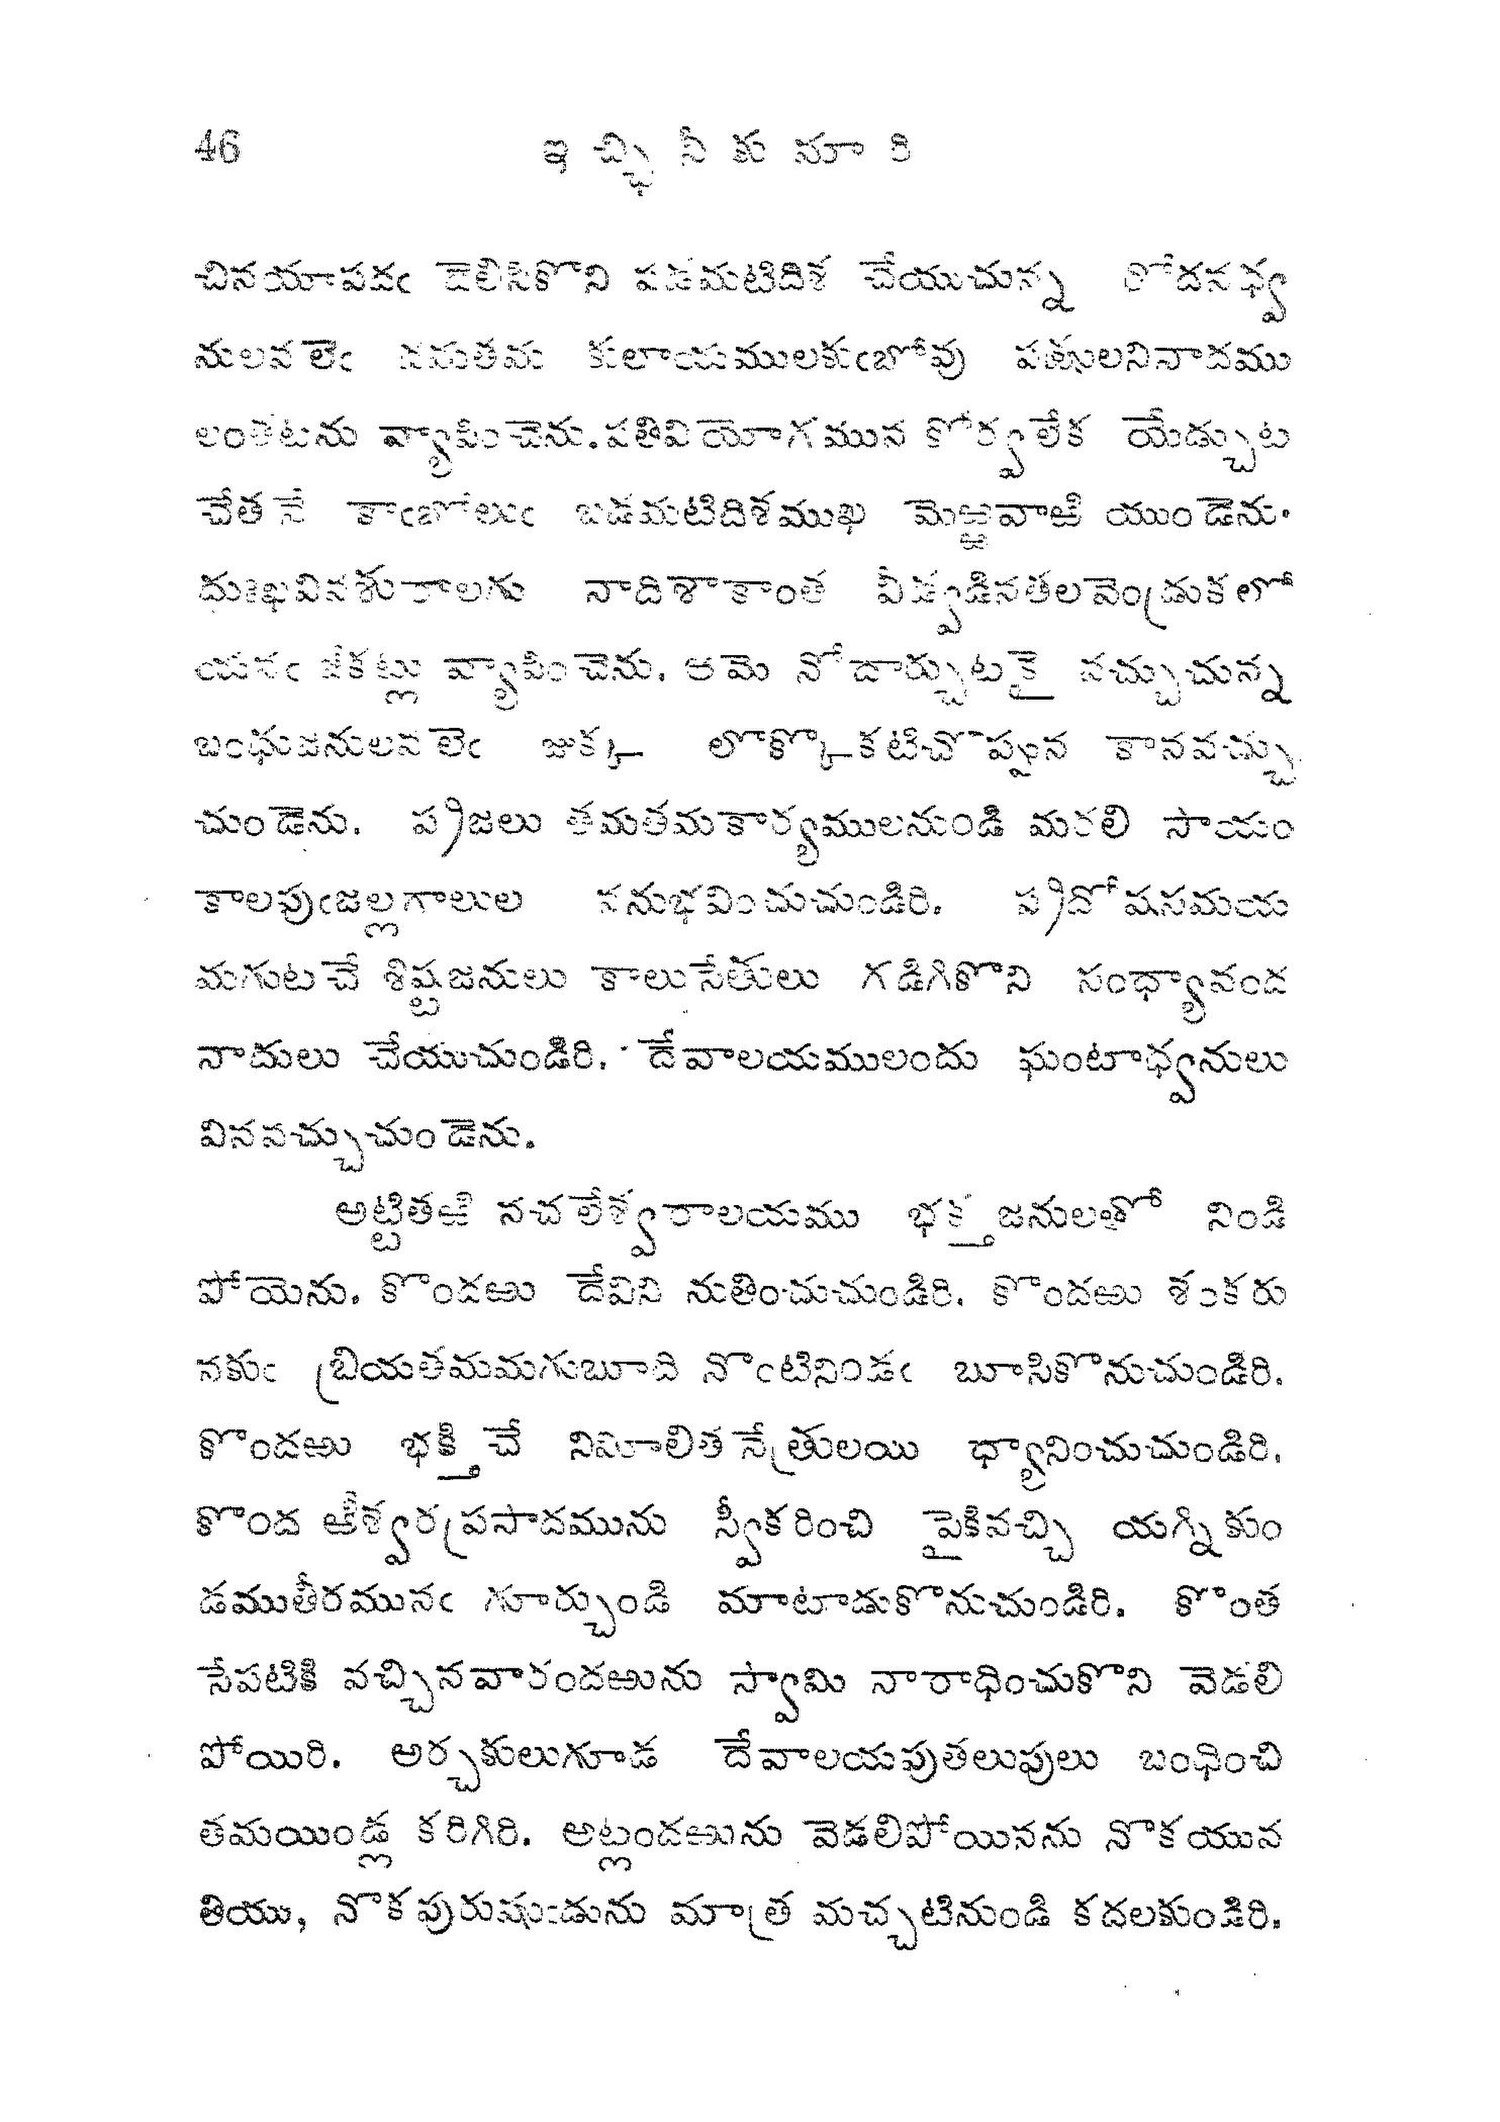చిన యాపద దెలిసికొని పడమటిదిశ చేయుచున్న రోదన ద్వవ నులన లె దమతమ కులాయములకుఁబోవు పక్షుల నినాదము లంతటను వ్యాపించెను. పతివి యోగమున కోర్వలేక యేడ్చుట చేత నే కాబోలు బడమటి దిశముఖ మెర్ర వారి యుండెను. దుఃఖ వినశురాలగు నాదిశా కాంత వీడ్వడిన తల వెండ్రుకలో యనం జీకట్లు వ్యాపించెను. ఆమె నోదార్చుటకై- వచ్చుచున్న బంధుజనులవలె జుక్క లొక్కొకటి చొప్పున కానవచ్చు. చుండెను. ప్రజలు తమతమ కార్యములనుండి మరలి సాయం కాలపుఁజల్లగాలుల ననుభవించు చుండిరి. ప్రదోషసమయు మగుట చే శిష్టజనులు కాలు సేతులు గడిగికొని సంధ్యావంద నాదులు చేయుచుండిరి. " దేవాలయములందు ఘంటాధ్వనులు వినవచ్చుచుండెను.

అట్టిత ఱి నచలేశ్వరాలయము భక్త జనులతో నిండి పోయెను. కొందఱు దేవిని నుతించుచుండిరి. కొందఱు శంకరు నకుఁ బ్రియతమమగుబూది నొంటినిండఁ బూసికొనుచుండిరి. కొండఱు భక్తి చే నిమీలిత నేత్రులయి ధ్యానించుచుండిరి, కొంద రీశ్వర ప్రసాదమును స్వీకరించి పైకి నచ్చి యగ్ని కుం డము తీరమునఁ గూర్చుండి మాటాడుకొనుచుండిరి. కొంత సేపటికి వచ్చిన వారందరను స్వామి నారాధించుకొని వెడలి పోయిరి. అర్చకులుగూడ దేవాలయపు తలుపులు బంధించి తమయిండ్ల కరిగిరి. అట్లండురును వెడలిపోయినను నొక యువ తియు, నొక పురుషుడును మాత్ర మచ్చటినుండి కదలకుండిరి.